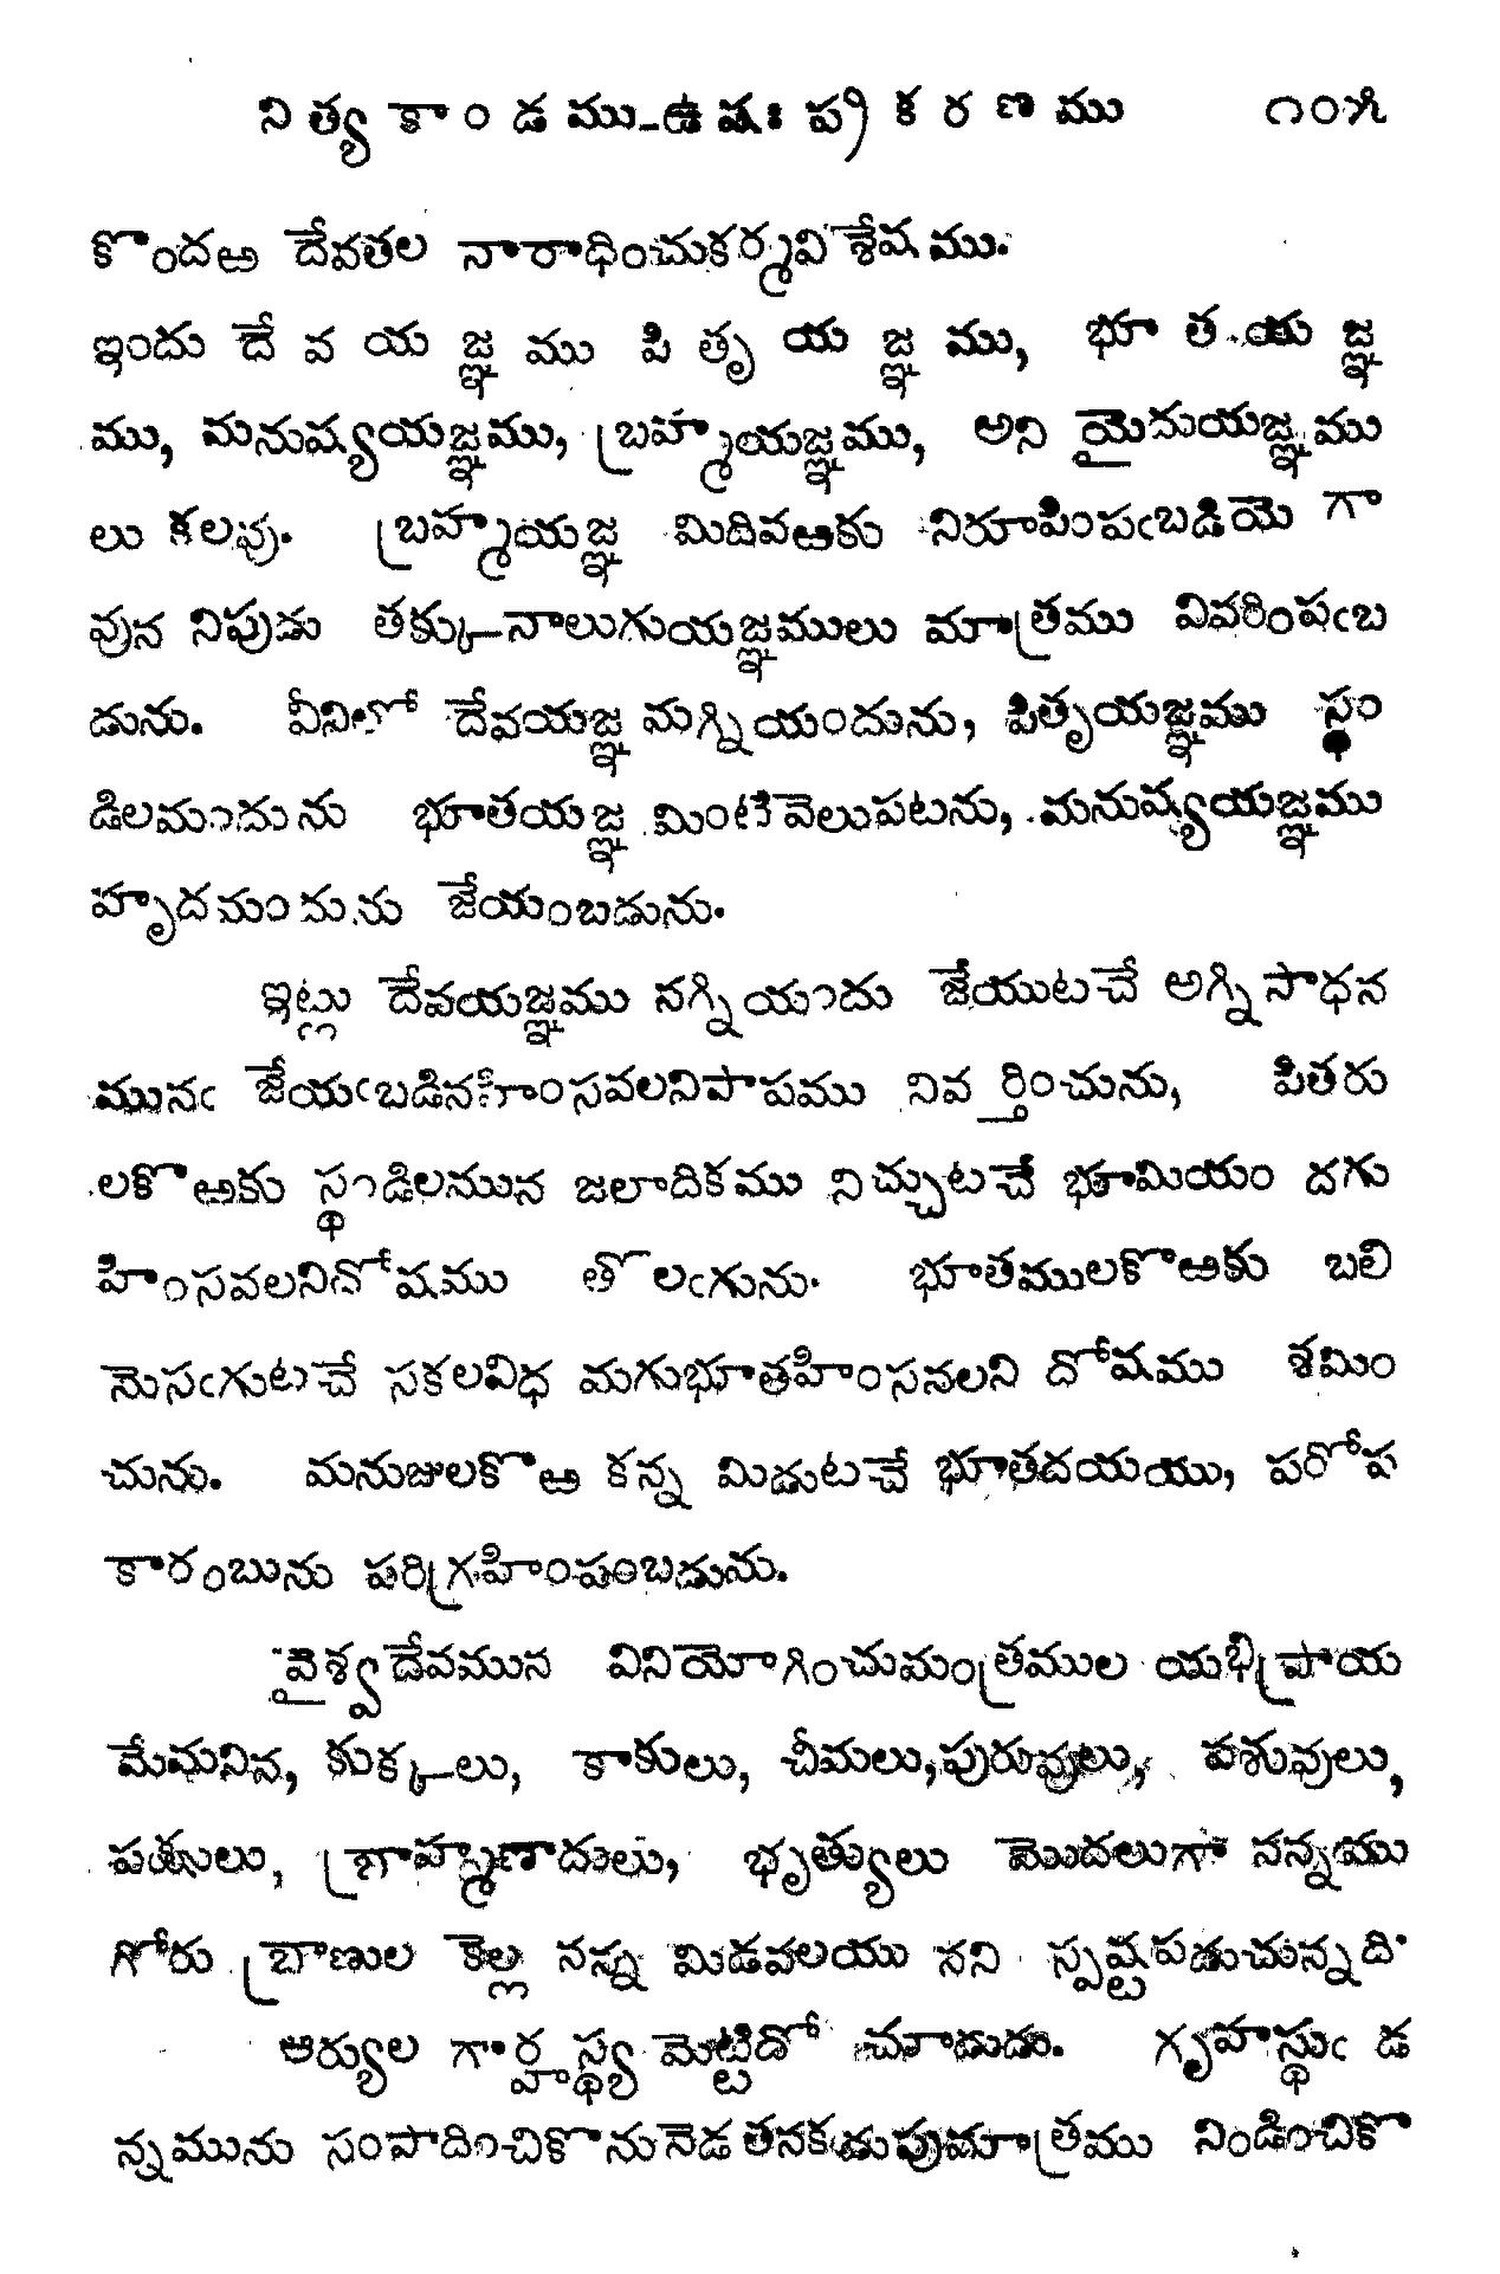కొందఱ దేవతల నారాధించుకర్మవిశేషము.

ఇందు దేవయజ్ఞము పితృయజ్ఞము, భూతయజ్ఞము, మనుష్యయజ్ఞము, బ్రహ్మయజ్ఞము, అని యైదుయజ్ఞములు కలవు. బ్రహ్మయజ్ఞ మిదివఱకు నిరూపింపఁబడియె గావున నిపుడు తక్కునాలుగుయజ్ఞములు మాత్రము వివరింపఁబడును. వీనిలో దేవయజ్ఞ మగ్నియందును, పితృయజ్ఞము స్థండిలమందును భూతయజ్ఞ మింటివెలుపటను, మనుష్యయజ్ఞము హృదమందును జేయంబడును.

ఇట్లు దేవయజ్ఞము నగ్నియందు జేయుటచే అగ్నిసాధనమునఁ జేయఁబడినహింసవలనిపాపము నివర్తించును, పితరులకొఱకు స్థండిలమున జలాదికము నిచ్చుటచే భూమియం దగు హింసవలనిదోషము తొలఁగును. భూతములకొఱకు బలి నొసఁగుటచే సకలవిధ మగుభూతహింసవలని దోషము శమించును. మనుజులకొఱ కన్న మిడుటచే భూతదయయు, పరోపకారంబును పరిగ్రహింపంబడును.

వైశ్వదేవమున వినియోగించుమంత్రముల యభిప్రాయ మేమనిన, కుక్కలు, కాకులు, చీమలు, పురువులు, పశువులు, పక్షులు, బ్రాహ్మణాదులు, భృత్యులు మొదలుగా నన్నముగోరు బ్రాణుల కెల్ల నన్న మిడవలయు నని స్పష్టపడుచున్నది.

ఆర్యుల గార్హస్థ్య మెట్టిదో చూడుడు. గృహస్థుఁ డన్నమును సంపాదించికొనునెడ తనకడుపుమాత్రము నిండించికొ